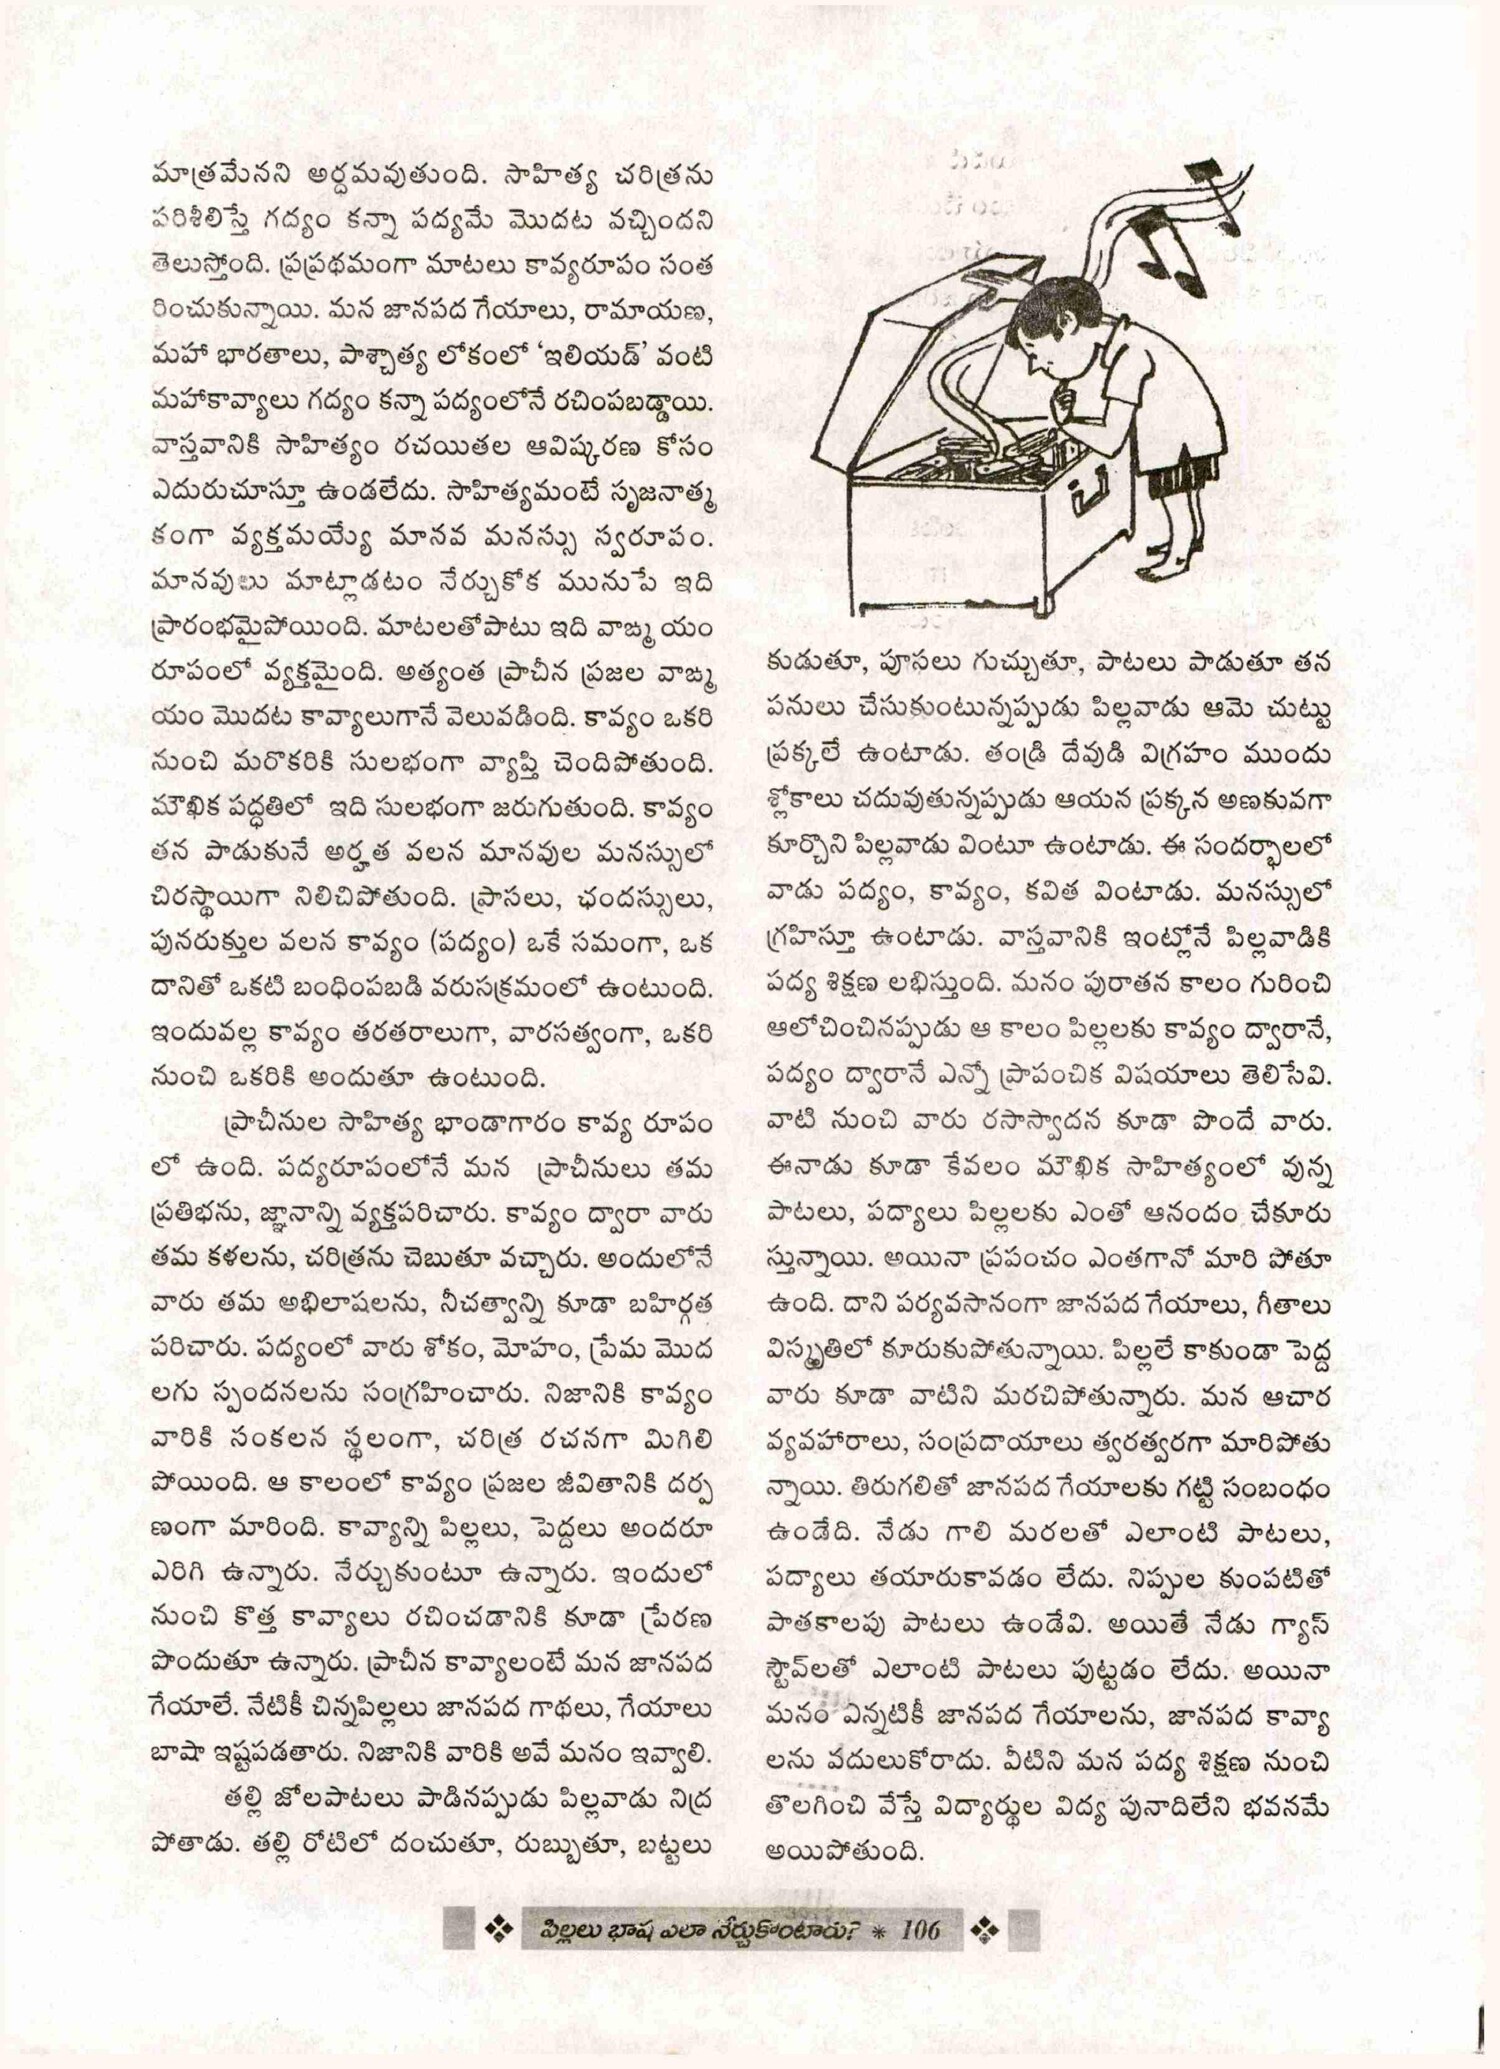మాత్రమేనని అర్ధమవుతుంది. సాహిత్య చరిత్రను పరిశీలిస్తే గద్యం కన్నా పద్యమే మొదట వచ్చిందని తెలుస్తోంది. ప్రప్రథమంగా మాటలు కావ్యరూపం సంతరించుకున్నాయి. మన జానపద గేయాలు, రామాయణ, మహా భారతాలు, పాశ్చాత్య లోకంలో 'ఇలియడ్' వంటి మహాకావ్యాలు గద్యం కన్నా పద్యంలోనే రచింపబడ్డాయి. వాస్తవానికి సాహిత్యం రచయితల ఆవిష్కరణ కోసం ఎదురుచూస్తూ ఉండలేదు. సాహిత్యమంటే సృజనాత్మకంగా వ్యక్తమయ్యే మానవ మనస్సు స్వరూపం. మానవులు మాట్లాడటం నేర్చుకోక మునుపే ఇది ప్రారంభమైపోయింది. మాటలతోపాటు ఇది వాఙ్మయం రూపంలో వ్యక్తమైంది. అత్యంత ప్రాచీన ప్రజల వాఙ్మయం మొదట కావ్యాలుగానే వెలువడింది. కావ్యం ఒకరి నుంచి మరొకరికి సులభంగా వ్యాప్తి చెందిపోతుంది. మౌఖిక పద్ధతిలో ఇది సులభంగా జరుగుతుంది. కావ్యం
తన పాడుకునే అర్హత వలన మానవుల మనస్సులో చిరస్థాయిగా నిలిచిపోతుంది. ప్రాసలు, ఛందస్సులు,
పునరుక్తుల వలన కావ్యం (పద్యం) ఒకే సమంగా, ఒక దానితో ఒకటి బంధింపబడి వరుసక్రమంలో ఉంటుంది.
ఇందువల్ల కావ్యం తరతరాలుగా, వారసత్వంగా, ఒకరి నుంచి ఒకరికి అందుతూ ఉంటుంది.

ప్రాచీనుల సాహిత్య భాండాగారం కావ్య రూపంలో ఉంది. పద్యరూపంలోనే మన ప్రాచీనులు తమ ప్రతిభను, జ్ఞానాన్ని వ్యక్తపరిచారు. కావ్యం ద్వారా వారు తమ కళలను, చరిత్రను చెబుతూ వచ్చారు. అందులోనే వారు తమ అభిలాషలను, నీచత్వాన్ని కూడా బహిర్గత పరిచారు. పద్యంలో వారు శోకం, మోహం, ప్రేమ మొదలగు స్పందనలను సంగ్రహించారు. నిజానికి కావ్యం వారికి సంకలన స్థలంగా, చరిత్ర రచనగా మిగిలి పోయింది. ఆ కాలంలో కావ్యం ప్రజల జీవితానికి దర్పణంగా మారింది. కావ్యాన్ని పిల్లలు, పెద్దలు అందరూ ఎరిగి ఉన్నారు. నేర్చుకుంటూ ఉన్నారు. ఇందులో నుంచి కొత్త కావ్యాలు రచించడానికి కూడా ప్రేరణ పొందుతూ ఉన్నారు. ప్రాచీన కావ్యాలంటే మన జానపద
గేయాలే. నేటికీ చిన్నపిల్లలు జానపద గాథలు, గేయాలు బాషా ఇష్టపడతారు. నిజానికి వారికి అవే మనం ఇవ్వాలి.

తల్లి జోలపాటలు పాడినప్పుడు పిల్లవాడు నిద్రపోతాడు. తల్లి రోటిలో దంచుతూ, రుబ్బుతూ, బట్టలు కుడుతూ, పూసలు గుచ్చుతూ, పాటలు పాడుతూ తన పనులు చేసుకుంటున్నప్పుడు పిల్లవాడు ఆమె చుట్టు ప్రక్కలే ఉంటాడు. తండ్రి దేవుడి విగ్రహం ముందు శ్లోకాలు చదువుతున్నప్పుడు ఆయన ప్రక్కన అణకువగా కూర్చొని పిల్లవాడు వింటూ ఉంటాడు. ఈ సందర్భాలలో వాడు పద్యం, కావ్యం, కవిత వింటాడు. మనస్సులో గ్రహిస్తూ ఉంటాడు. వాస్తవానికి ఇంట్లోనే పిల్లవాడికి పద్య శిక్షణ లభిస్తుంది. మనం పురాతన కాలం గురించి
ఆలోచించినప్పుడు ఆ కాలం పిల్లలకు కావ్యం ద్వారానే, పద్యం ద్వారానే ఎన్నో ప్రాపంచిక విషయాలు తెలిసేవి. వాటి నుంచి వారు రసాస్వాదన కూడా పొందే వారు. ఈనాడు కూడా కేవలం మౌఖిక సాహిత్యంలో వున్న పాటలు, పద్యాలు పిల్లలకు ఎంతో ఆనందం చేకూరుస్తున్నాయి. అయినా ప్రపంచం ఎంతగానో మారి పోతూ ఉంది. దాని పర్యవసానంగా జానపద గేయాలు, గీతాలు విస్మృతిలో కూరుకుపోతున్నాయి. పిల్లలే కాకుండా పెద్దవారు కూడా వాటిని మరచిపోతున్నారు. మన ఆచార వ్యవహారాలు, సంప్రదాయాలు త్వరత్వరగా మారిపోతున్నాయి. తిరుగలితో జానపద గేయాలకు గట్టి సంబంధం ఉండేది. నేడు గాలి మరలతో ఎలాంటి పాటలు, పద్యాలు తయారుకావడం లేదు. నిప్పుల కుంపటితో పాతకాలపు పాటలు ఉండేవి. అయితే నేడు గ్యాస్ స్టౌవ్‌లతో ఎలాంటి పాటలు పుట్టడం లేదు. అయినా మనం ఎన్నటికీ జానపద గేయాలను, జానపద కావ్యాలను వదులుకోరాదు. వీటిని మన పద్య శిక్షణ నుంచి తొలగించి వేస్తే విద్యార్థుల విద్య పునాదిలేని భవనమే అయిపోతుంది.